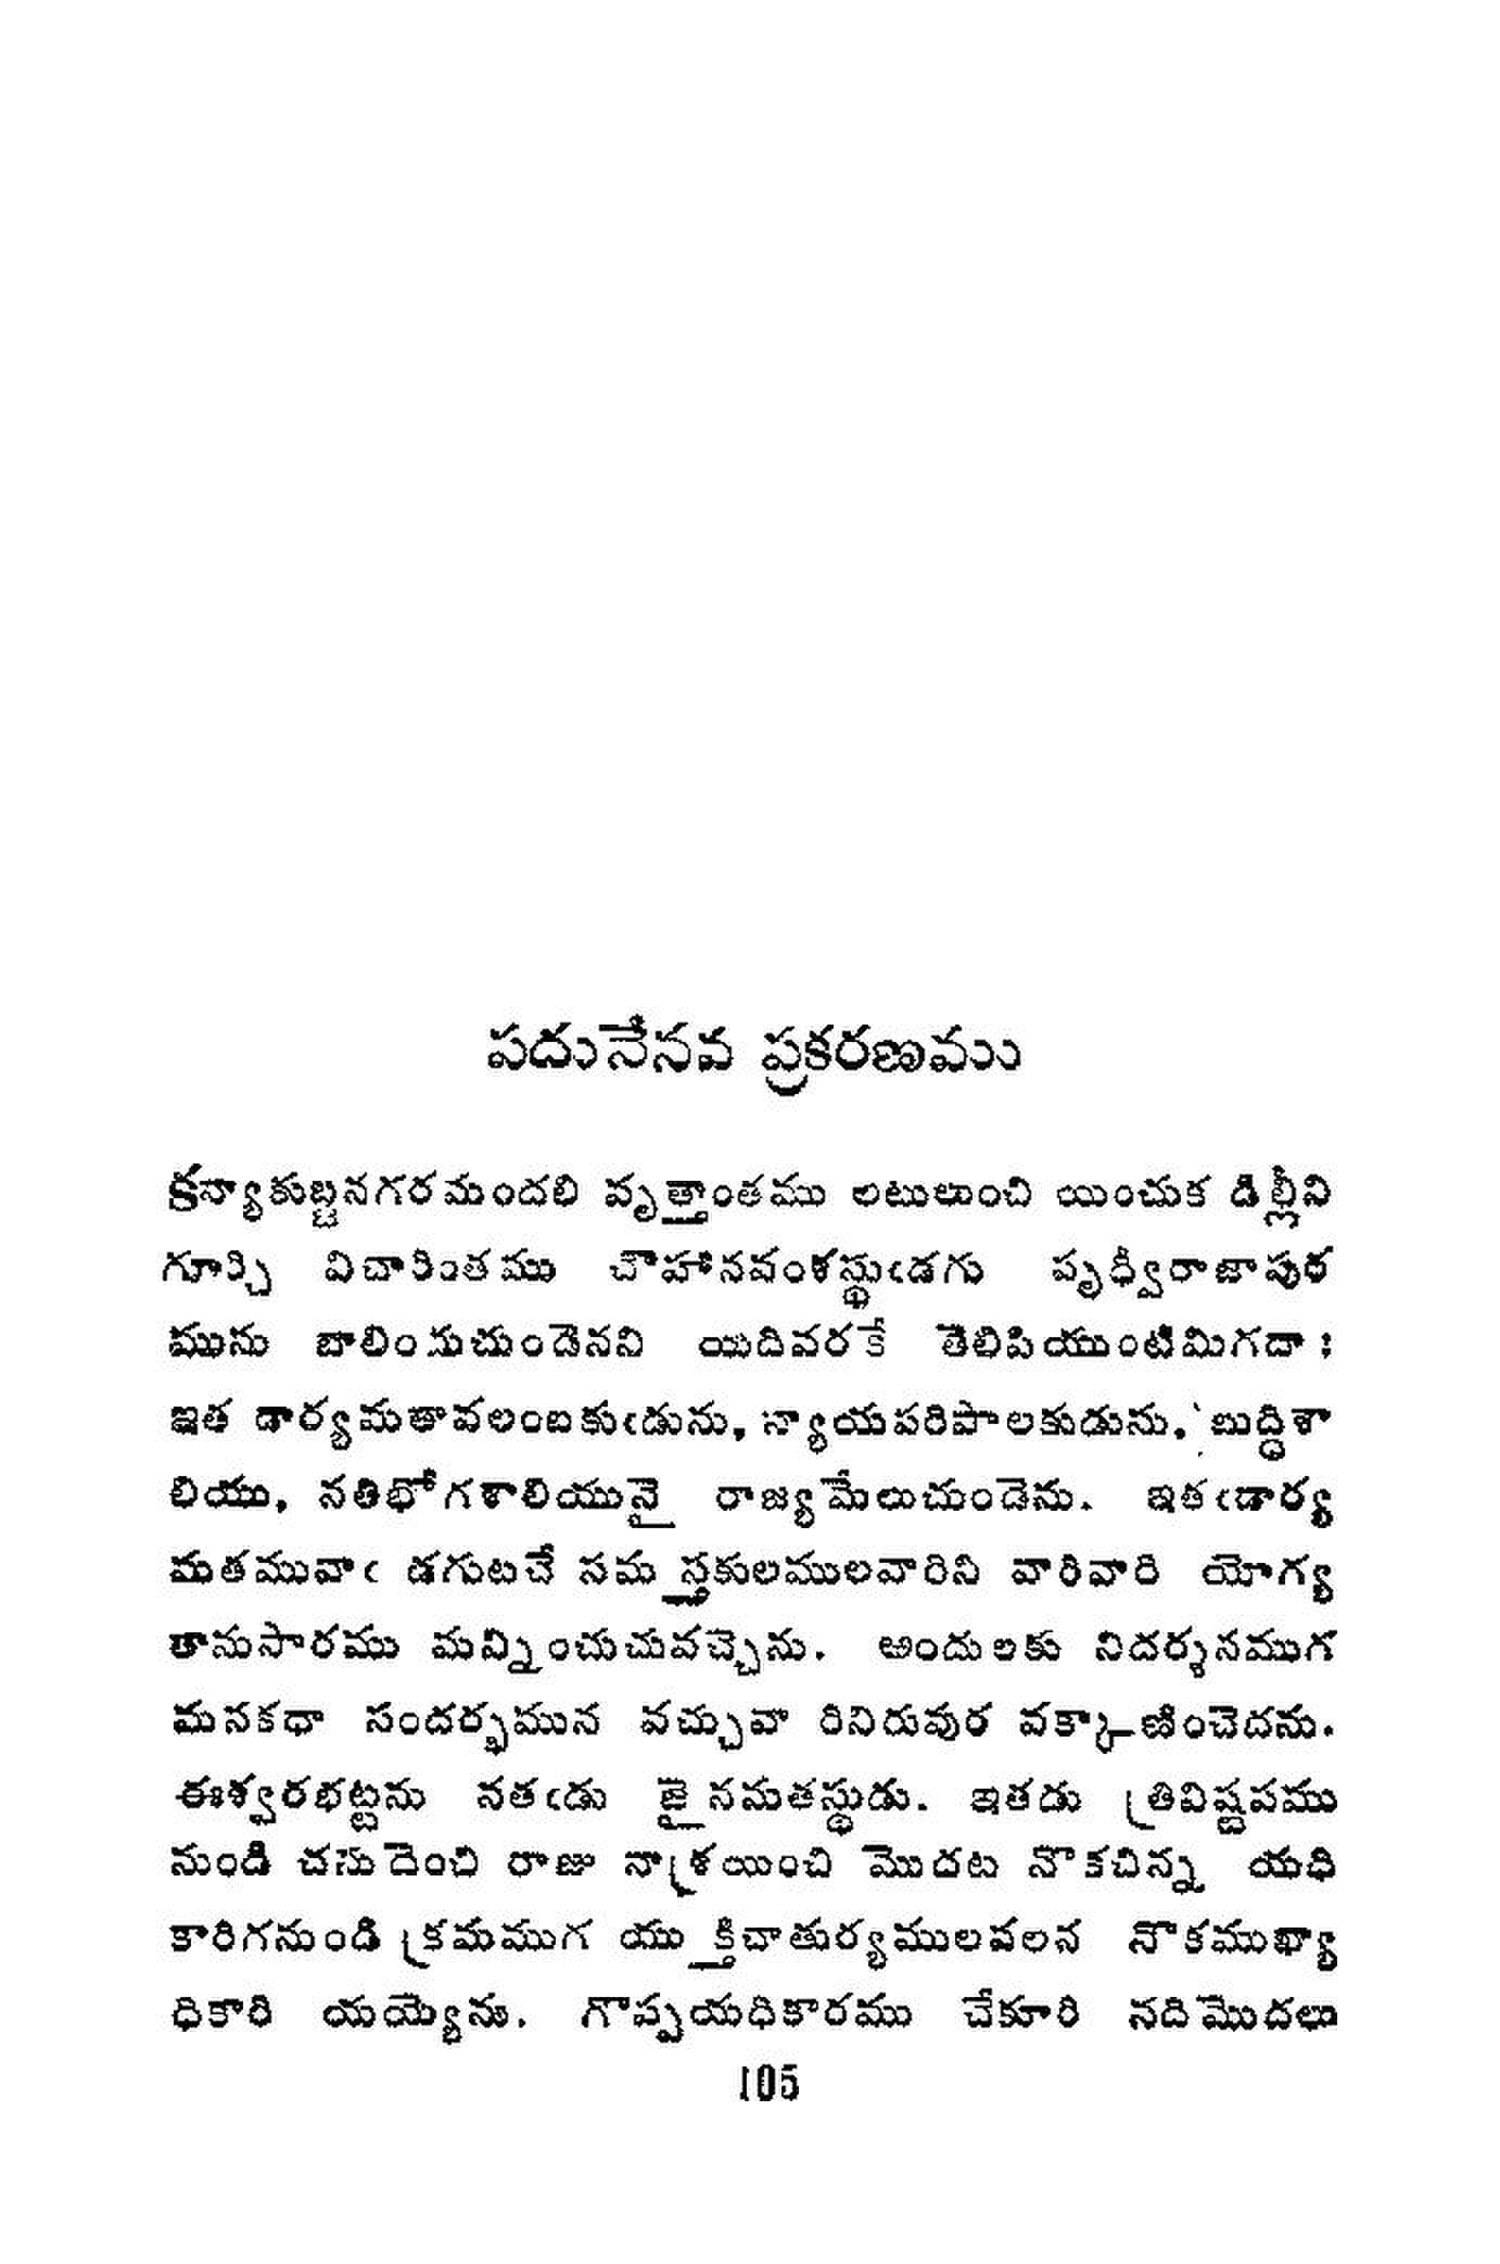పదునేనవ ప్రకరణము

న్యాకుబ్జనగరమందలి వృత్తాంతము లటులుంచి యించుక డిల్లీని గూర్చి విచారింతము. చౌహానవంశస్థుఁడగు పృధ్వీరాజాపురమును బాలించుచుండెనని యిదివరకే తెలిపియుంటిమిగదా! ఇత డార్యమతావలంబకుఁడును, న్యాయపరిపాలకుడును, బుద్దిశాలియు, నతిభోగశాలియునై రాజ్యమేలుచుండెను. ఇతఁడార్యమతమువాఁ డగుటచే సమస్తకులములవారిని వారివారి యోగ్యతానుసారము మన్నించుచువచ్చెను. అందులకు నిదర్శనముగ మనకధా సందర్భమున వచ్చువా రినిరువుర వక్కాణించెదను. ఈశ్వరభట్టను నతఁడు జైనమతస్థుడు. ఇతడు త్రివిష్టపము నుండి చనుదెంచి రాజు నాశ్రయించి మొదట నొకచిన్న యధికారిగనుండి క్రమముగ యుక్తిచాతుర్యములవలన నొకముఖ్యాధికారి యయ్యెను. గొప్పయధికారము చేకూరి నదిమొదలు